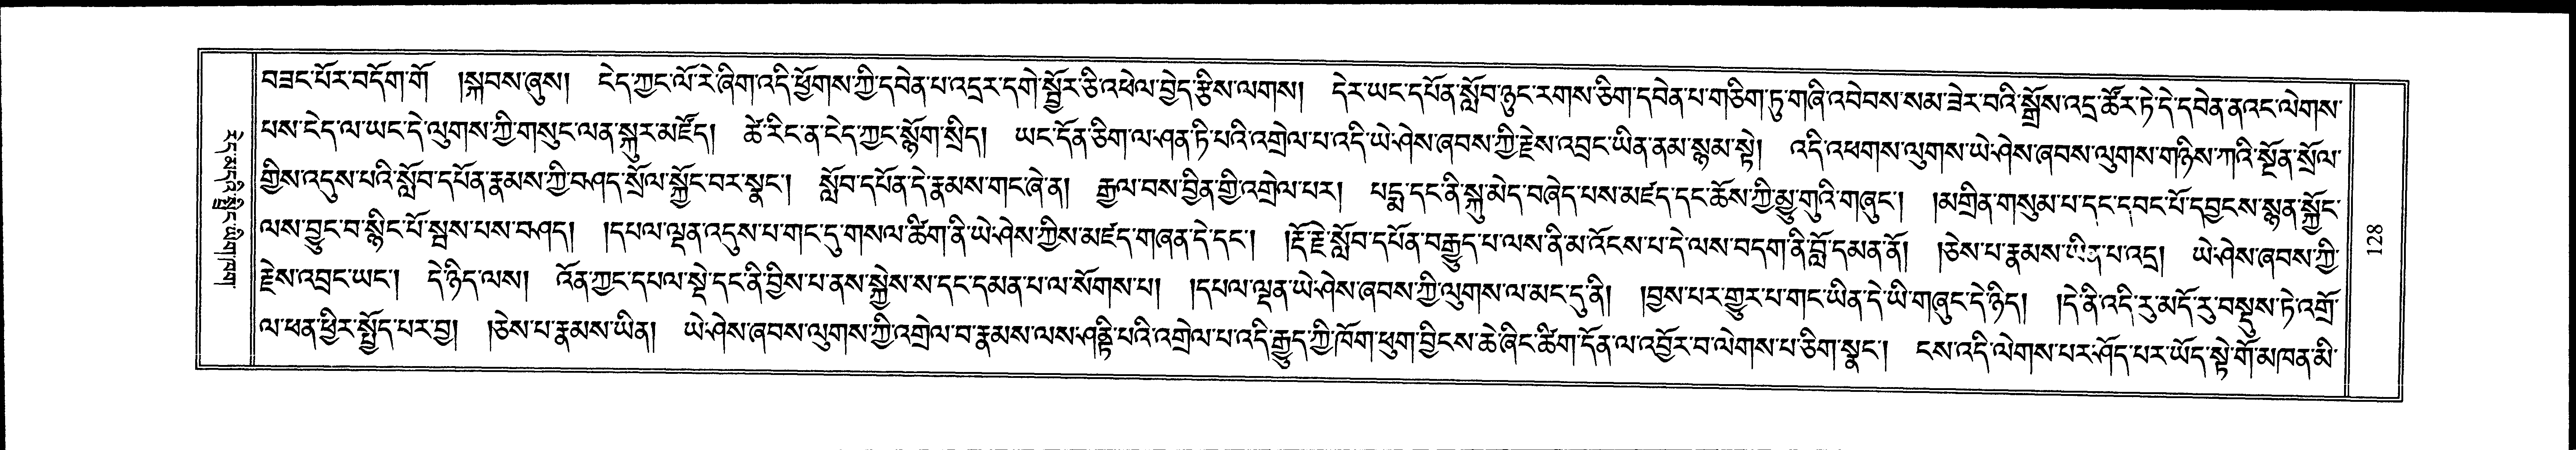བཟང་པོར་བདོག་གོ །སྐབས་ཞུས། ངེད་ཀྱང་ལོ་རེ་ཞིག་འདི་ཕྱོགས་ཀྱི་དབེན་པ་འདྲར་དགེ་སྦྱོར་ཅི་འཕེལ་བྱེད་རྩིས་ལགས། དེར་ཡང་དཔོན་སློབ་ཉུང་རགས་ཅིག་དབེན་པ་གཅིག་ཏུ་གཞི་འབེབས་སམ་ཟེར་བའི་སྒྲོས་འདྲ་ཚོར་ཏེ་དེ་དབེན་ནའང་ལེགས་
པས་ངེད་ལ་ཡང་དེ་ལུགས་ཀྱི་གསུང་ལན་སྐུར་མཛོད། ཚེ་རིང་ན་ངེད་ཀྱང་སྙོག་སྲིད། ཡང་དོན་ཅིག་ལ་ཤན་ཏི་པའི་འགྲེལ་པ་འདི་ཡེ་ཤེས་ཞབས་ཀྱི་རྗེས་འབྲང་ཡིན་ནམ་སྙམ་སྟེ། འདི་འཕགས་ལུགས་ཡེ་ཤེས་ཞབས་ལུགས་གཉིས་ཀའི་སྔོན་སྲོལ་
གྱིས་འདུས་པའི་སློབ་དཔོན་རྣམས་ཀྱིས་བཤད་སྲོལ་སྐྱོང་བར་སྣང་། སློབ་དཔོན་དེ་རྣམས་གང་ཞེ་ན། རྒྱལ་བས་བྱིན་གྱི་འབྲེལ་པར། པདམ་དང་ནི་སྐུ་མེད་བཞེད་པས་མཛད་དང་ཆོས་ཀྱི་མྱུ་གུའི་གཞུང་། །མགྲིན་གསུམ་པ་དང་དབང་པོ་དབྱངས་སྙན་སྐྱོང་
ལས་བྱུང་བ་སྙིང་པོ་སྦས་པས་བཤད། །དཔལ་ལྡན་འདུས་པ་གང་དུ་གསལ་ཚིག་ནི་ཡེ་ཤེས་ཀྱིས་མཛད་གཞན་དེ་དང་། །རྡོ་རྗེ་སློབ་དཔོན་བརྒྱུད་པ་ལས་ནི་མ་འོངས་པ་དེ་ལས་བདག་ནི་བློ་དམན་ནོ། །ཅེས་པ་རྣམས་ཡིན་པ་འདྲ། ཡེ་ཤེས་ཞབས་ཀྱི་
རྗེས་འབྲང་ཡང་། དེ་ཉིད་ལས། འོན་ཀྱང་དཔལ་སྡེ་དང་ནི་བྱིས་པ་ནས་སྐྱེས་ས་དང་དམན་པ་ལ་སོགས་པ། །དཔལ་ལྡན་ཡེ་ཤེས་ཞབས་ཀྱི་ལུགས་ལ་མང་དུ་ནི། །བྱས་པར་གྱུར་པ་གང་ཡིན་དེ་ཡི་གཞུང་དེ་ཉིད། །དེ་ནི་འདི་རུ་མདོ་རུ་བསྡུས་ཏེ་འགྲོ་
ལ་ཕན་ཕྱིར་སྤྱོད་པར་བྱ། །ཅེས་པ་རྣམས་ཡིན། ཡེ་ཤེས་ཞབས་ལུགས་ཀྱི་འགྲེལ་བ་རྣམས་ལས་ཤནྟི་པའི་འགྲེལ་པ་འདི་རྒྱུད་ཀྱི་ཁོག་ཕུག་བྱིངས་ཆེ་ཞིང་ཚིག་དོན་ལ་འབྱོར་བ་ལེགས་པ་ཅིག་སྣང་། ངས་འདི་ལེགས་པར་ཤོད་པར་ཡོད་སྟེ་གོ་མཁན་མི་